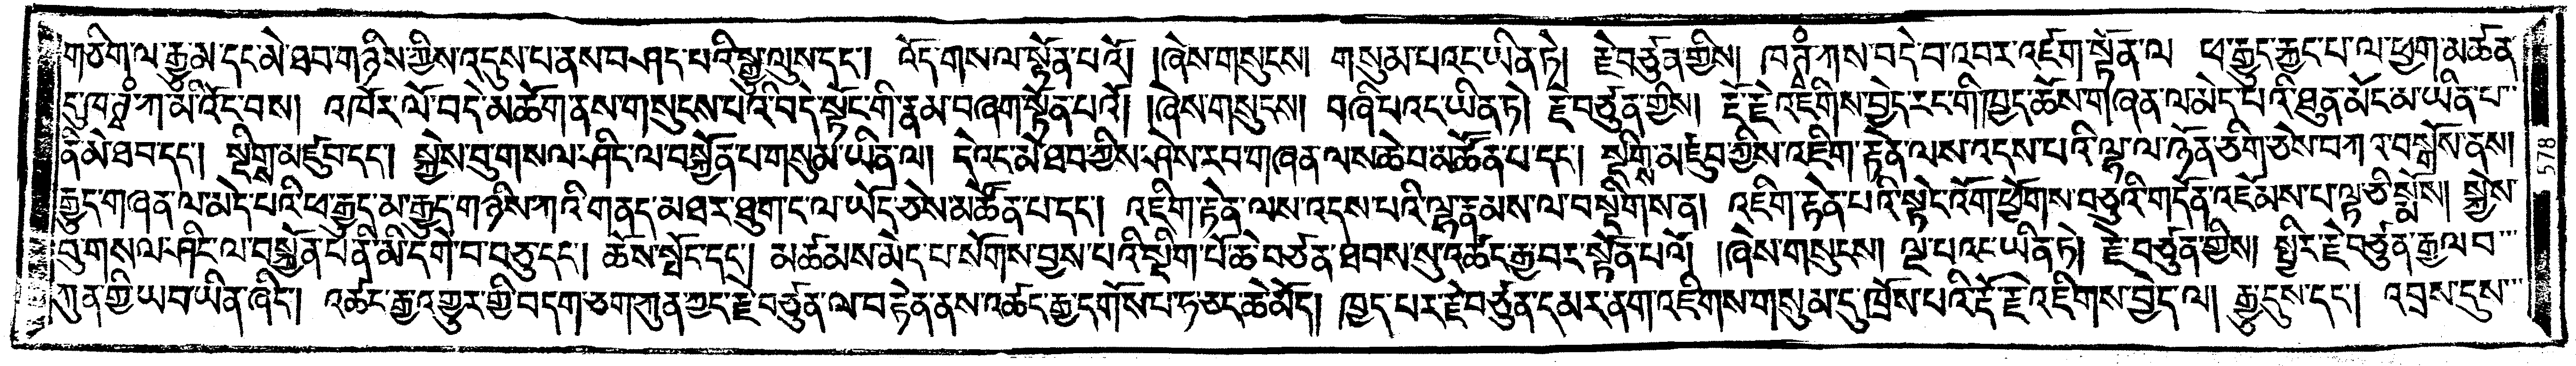གཅིག་ལ་རྒྱུ་མ་དང་མེ་ཐབ་གཉིས་ཀྱིས་འདུས་པ་ནས་བཤད་པའི་སྒྱུ་ལུས་དང་། འོད་གསལ་སྟོན་པའོ། །ཞེས་གསུངས། གསུམ་པའང་ཡིན་ཏེ། རྗེ་བཙུན་གྱིས། ཁ་ཊྭཾ་ཀས་བདེ་བ་འབར་འཛག་སྟོན་ལ་ཕ་རྒྱུད་རྐྱང་པ་ལ་ཕྱག་མཚན་
དུ་ཁ་ཊྭཾ་ཀ་མི་འོང་བས། འཁོར་ལོ་བདེ་མཆོག་ནས་གསུངས་པའི་བདེ་སྟོང་གི་རྣམ་བཞག་སྟོན་པའོ། །ཞེས་གསུངས། བཞི་པའང་ཡིན་ཏེ། རྗེ་བཙུན་གྱིས། རྡོ་རྗེ་འཇིགས་བྱེད་རང་གི་ཁྱད་ཆོས་གཞན་ལ་མེད་པའི་ཐུན་མོང་མ་ཡིན་པ་
ནི་མེ་ཐབ་དང་། སྡིགས་མཛུབ་དང་། སྐྱེས་བུ་གསལ་ཤིང་ལ་བསྐྱོན་པ་གསུམ་ཡིན་ལ། དེའང་མེ་ཐབ་ཀྱིས་ཤེས་རབ་གཞན་ལས་ཆེ་བ་མཚོན་པ་དང་། སྡིགས་མཛུབ་ཀྱིས་འཇིག་རྟེན་ལས་འདས་པའི་ལྷ་ལ་ཉོན་ཅིག་ཅེས་བཀའ་བསྒོས་ནས།
རྒྱུད་གཞན་ལ་མེད་པའི་ཕ་རྒྱུད་མ་རྒྱུད་གཉིས་ཀའི་གནད་མཐར་ཐུག་ང་ལ་ཡོད་ཅེས་མཚོན་པ་དང་། འཇིག་རྟེན་ལས་འདས་པའི་ལྷ་རྣམས་ལ་བསྡིགས་ན། འཇིག་རྟེན་པའི་སྟེང་འོག་ཕྱོགས་བཅུའི་གདོན་འཇོམས་པ་ལྟ་ཅི་སྨོས། སྐྱེས་
བུ་གསལ་ཤིང་ལ་བསྐྱོན་པ་ནི་མི་དགེ་བ་བཅུ་དང་། ཆོས་སྤོང་དང་། མཚམས་མེད་པ་སོགས་བྱས་པའི་སྡིག་པོ་ཆེ་བཙན་ཐབས་སུ་འཚང་རྒྱ་བར་སྟོན་པའོ། །ཞེས་གསུངས། ལྔ་པའང་ཡིན་ཏེ། རྗེ་བཙུན་གྱིས། སྤྱིར་རྗེ་བཙུན་རྒྱལ་བ་
ཀུན་གྱི་ཡབ་ཡིན་ཞིང་། འཚང་རྒྱ་འགྱུར་གྱི་བདག་ཅག་ཀུན་ཀྱང་རྗེ་བཙུན་ལ་བརྟེན་ནས་འཚང་རྒྱ་དགོས་པ་ཧ་ཅང་ཆེ་མོད། ཁྱད་པར་རྗེ་བཙུན་དམར་ནག་འཇིགས་གསུམ་དུ་ཁྲོས་པའི་རྡོ་རྗེ་འཇིགས་བྱེད་ལ། རྒྱུ་དུས་དང་། འབྲས་དུས་